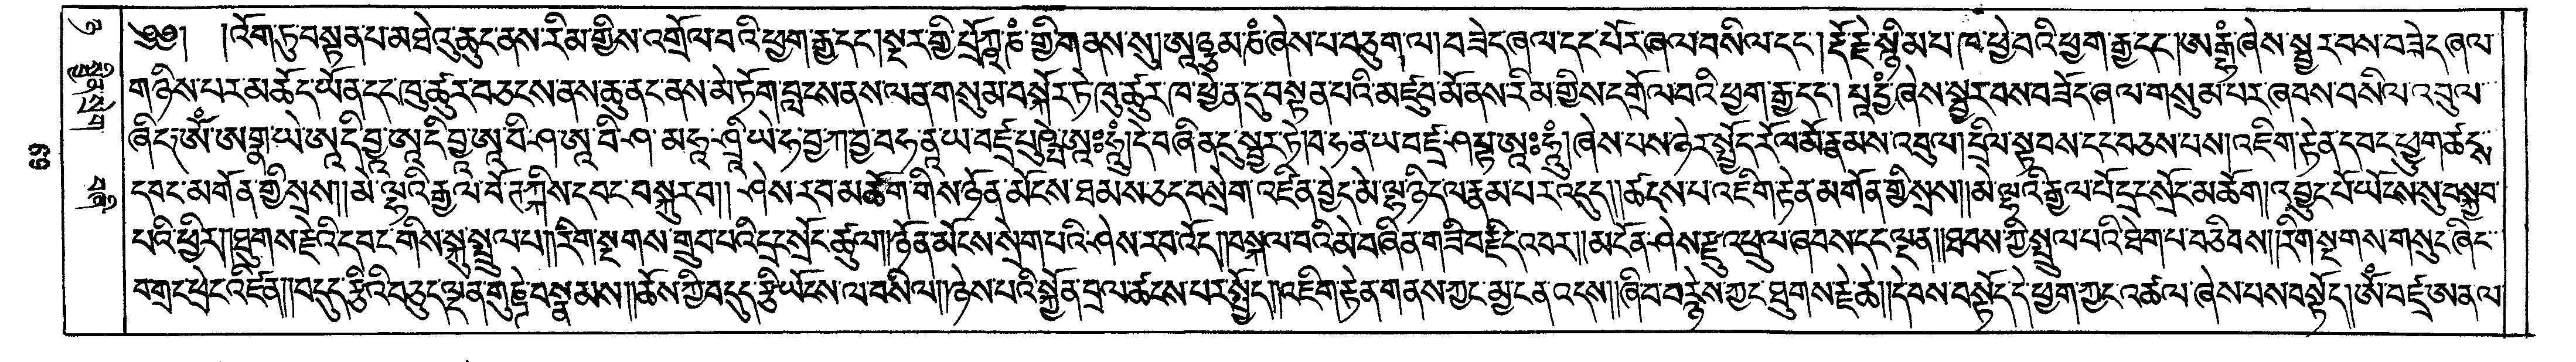༄༅། །འོག་ཏུ་བསྟན་པ་མཐེའུ་ཆུང་ནས་རིམ་གྱིས་དགྲོལ་བའི་ཕྱག་རྒྱ་དང་། སྔར་གྱི་པྲོཀྵ་ཎཾ་གྱི་གནས་སུ། ཨཱཉྩ་མ་ཎཾ་ཞེས་པ་བཅུག་ལ། བཟེད་ཞལ་དང་པོར་ཞལ་བསིལ་དང་། རྡོ་རྗེ་སྙིམ་པ་ཁ་ཕྱེ་བའི་ཕྱག་རྒྱ་དང་། ཨརྒྷཾ་ཞེས་སྦྱར་བས་བཟེད་ཞལ་
གཉིས་པར་མཆོད་ཡོན་དང་ཁུ་ཚུར་བཅངས་ནས་ཆུ་ནང་ནས་མེ་ཏོག་བླངས་ནས་ལན་གསུམ་བསྐོར་ཏེ་ཁུ་ཚུར་ཁ་གྱེན་དུ་བསྟན་བའི་མཛུབ་མོ་ནས་རིམ་གྱིས་དགྲོལ་བའི་ཕྱག་རྒྱ་དང་། པཱདྱཾ་ཞེས་སྦྱར་བས་བཟེད་ཞལ་གསུམ་པར་ཞབས་བསིལ་འབུལ་
ཞིང་ཨོཾ་ཨགན་ཡེ་ཨཱ་དི་བྱཱ་ཨཱ་དི་བྱཱ་ཨཱ་བི་ཤ་ཨཱ་བི་ཤ། མཧཱ་ཤྲའི་ཡེ་ཧ་བྱ་ཀ་བྱ་བ་ཧ་ནཱ་ཡ་བཛྲ་པུཥྤེ་ཨཱཿཧཱུཾ། དེ་བཞིན་དུ་སྦྱར་ཏེ། བྷ་ནཱ་ཡ་བཛྲ་ཤབཏ་ཨཱཿཧཱུཾ། ཞེས་བས་ཉེར་སྤྱོད་རོལ་མོ་རྣམས་འབུལ། དྲིལ་སྟབས་དང་བཅས་པས། འཇིག་རྟེན་དབང་ཕྱུག་ཚངས་
དབང་མགོན་གྱི་སྲས། །མེ་ལྷའི་རྒྱལ་པོ་ཊཀྐིས་དབང་བསྐུར་བ། །ཤེས་རབ་མཆོག་གིས་ཉོན་མོངས་ཐམས་ཅད་བསྲེག། འཛིན་བྱེད་མེ་ལྷ་ཉིད་ལ་རྣམ་པར་འདུད། །ཚངས་བ་འཇིག་རྟེན་མགོན་གྱི་སྲས། །མེ་ལྷའི་རྒྱལ་བོ་དྲང་སྲོང་མཆོག། འབྱུང་པོ་ཡོངས་སུ་བསྐྱབ་
པའི་ཕྱིར། །ཐུགས་རྗེའི་དབང་གིས་སྐུ་སྤྲུལ་བ། །རིག་སྔགས་གྲུབ་པའི་དྲང་སྲོང་ཚུལ། །ཉོན་མོངས་སྲེག་པའི་ཤེས་རབ་འོད། །བསྐལ་བའི་མེ་བཞིན་གཟི་བརྗིད་འབར། །མངོན་ཤེས་རྫུ་འཕྲུལ་ཞབས་དང་ལྡན། །ཐབས་ཀྱི་སྤྲུལ་པའི་ཐེག་པ་བཅིབས། །རིག་སྔགས་གསུང་ཞིང་
བགྲང་ཕྲེང་འཛིན། །བདུད་རྩིའི་བཅུད་ལྡན་གུཎྜེ་བསྣམས། །ཆོས་ཀྱི་བདུད་རྩི་ཡོངས་ལ་བསིལ། །ཉེས་པའི་སྐྱོན་བྲལ་ཚངས་པར་སྤྱོད། །འཇིག་རྟེན་གནས་ཀྱང་མྱ་ངན་འདས། །ཞི་བ་བརྙེས་ཀྱང་ཐུགས་རྗེ་ཆེ། །དེ་བས་བསྟོད་དེ་ཕྱག་ཀྱང་འཚལ། ཞེས་པས་བསྟོད། ཨོཾ་བཛྲ་ཨན་ལ་